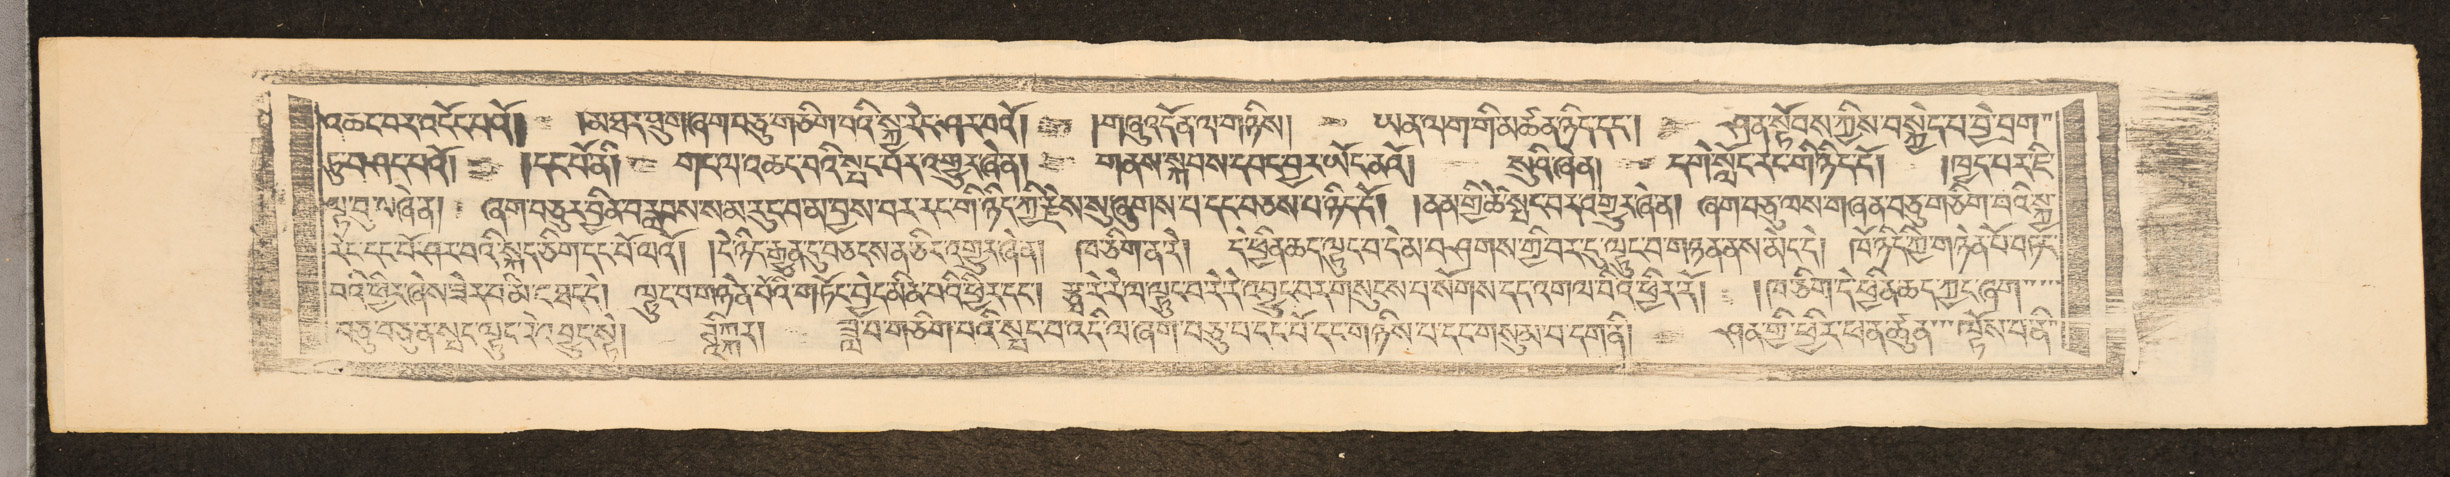འཆང་བར་འདོད་པའོ། །མཐར་ཐུག་ཞག་བཅུ་གཅིག་པའི་སྐྱ་རེང་ཤར་བའོ། །གཞུང་དོན་ལ་གཉིས། ཡན་ལག་གི་མཚན་ཉིད་དང་། ཤན་སྟོབས་ཀྱིས་བསྐྱེད་པ་བྱེ་བྲག་
ཏུ་བཤད་པའོ། །དང་པོ་ནི། གང་ལ་འཆང་བའི་སྤང་བར་འགྱུར་ཞེ་ན། གནས་སྐབས་དབང་བྱར་ཡོད་ནའོ། སུའི་ཞེ་ན། དགེ་སློང་རང་གི་ཉིད་དོ། །ཁྱད་པར་ཇི་
ལྟ་བུ་ལ་ཞེ་ན། ཞག་བཅུར་བྱིན་བརླབས་སམ་རུང་བ་མ་བྱས་པར་རང་གི་ཉིད་ཀྱི་རྗེས་སུ་ཞུགས་པ་དང་བཅས་པ་ཉིད་དོ། །ནམ་གྱི་ཚེ་སྤང་བར་འགྱུར་ཞེ་ན། ཞག་བཅུ་ལས་གཞན་བཅུ་གཅིག་པའི་སྐྱ་
རེང་དང་པོ་ཤར་བའི་སྐད་ཅིག་དང་པོ་ལའོ། །དེ་ཉིད་རྒྱུན་དུ་བཅངས་ན་ཅིར་འགྱུར་ཞེ་ན། ཁ་ཅིག་ན་རེ། དེ་ཕྱིན་ཆད་ལྟུང་བ་དེ་མ་བཤགས་ཀྱི་བར་དུ་ལྟུང་བ་གཏན་ནས་མེད་དེ། ཁོ་ཉིད་ཀྱི་གཉེན་པོ་བཏང་
བའི་ཕྱིར་ཞེས་ཟེར་བ་མི་འཐད་དེ། ལྟུང་བ་གཉེན་པོའི་གཏོང་བྱེད་མིན་པའི་ཕྱིར་དང་། རྩྭ་རེ་རེ་ལ་ལྟུང་བ་རེ་རེ་འབྱུང་བར་གསུངས་པ་སོགས་དང་འགལ་བའི་ཕྱིར་རོ། །ཁ་ཅིག་དེ་ཕྱིན་ཆད་ཀྱང་ཞག་
བཅུ་བཅུ་ན་སྤང་ལྟུང་རེ་འབྱུང་སྟེ། ཊཱིཀྐར། ཟླ་བ་གཅིག་པའི་སྤང་བ་འདི་ལ་ཞག་བཅུ་པ་དང་པོ་དང་གཉིས་པ་དང་གསུམ་པ་དག་ནི། ཤན་གྱི་ཕྱིར་ཕན་ཚུན་ལྟོས་པ་ནི་